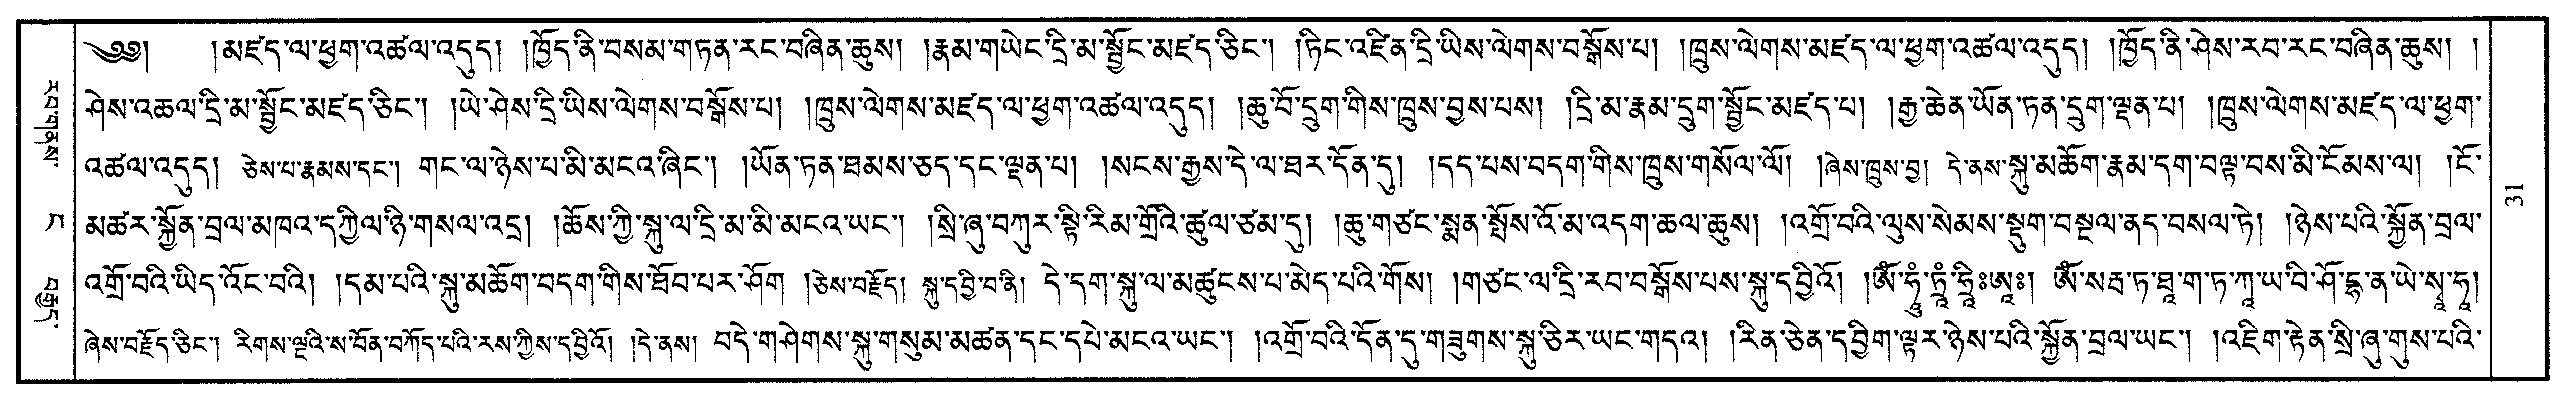༄༅། །མཛད་ལ་ཕྱག་འཚལ་འདུད། །ཁྱོད་ནི་བསམ་གཏན་རང་བཞིན་ཆུས། །རྣམ་གཡེང་དྲི་མ་སྦྱོང་མཛད་ཅིང་། །ཏིང་འཛིན་དྲི་ཡིས་ལེགས་བསྒོས་པ། །ཁྲུས་ལེགས་མཛད་ལ་ཕྱག་འཚལ་འདུད། །ཁྱོད་ནི་ཤེས་རབ་རང་བཞིན་ཆུས། །
ཤེས་འཆལ་དྲི་མ་སྦྱོང་མཛད་ཅིང་། །ཡེ་ཤེས་དྲི་ཡིས་ལེགས་བསྒོས་པ། །ཁྲུས་ལེགས་མཛད་ལ་ཕྱག་འཚལ་འདུད། །ཆུ་བོ་དྲུག་གིས་ཁྲུས་བྱས་པས། །དྲི་མ་རྣམ་དྲུག་སྦྱོང་མཛད་པ། །རྒྱ་ཆེན་ཡོན་ཏན་དྲུག་ལྡན་པ། །ཁྲུས་ལེགས་མཛད་ལ་ཕྱག་
འཚལ་འདུད། ཅེས་པ་རྣམས་དང་། གང་ལ་ཉེས་པ་མི་མངའ་ཞིང་། །ཡོན་ཏན་ཐམས་ཅད་དང་ལྡན་པ། །སངས་རྒྱས་དེ་ལ་ཐར་དོན་དུ། །དད་པས་བདག་གིས་ཁྲུས་གསོལ་ལོ། །ཞེས་ཁྲུས་བྱ། །དེ་ནས་སྐུ་མཆོག་རྣམ་དག་བལྟ་བས་མི་ངོམས་ལ། །ངོ་
མཚར་སྐྱོན་བྲལ་མཁའ་དཀྱིལ་ཉི་གསལ་འདྲ། །ཆོས་ཀྱི་སྐུ་ལ་དྲི་མ་མི་མངའ་ཡང་། །སྲི་ཞུ་བཀུར་སྟི་རིམ་གྲོའི་ཚུལ་ཙམ་དུ། །ཆུ་གཙང་སྨན་སྤོས་འོ་མ་འདག་ཆལ་ཆུས། །འགྲོ་བའི་ལུས་སེམས་སྡུག་བསྔལ་ནད་བསལ་ཏེ། །ཉེས་པའི་སྐྱོན་བྲལ་
འགྲོ་བའི་ཡིད་འོང་བའི། །དམ་པའི་སྐུ་མཆོག་བདག་གིས་ཐོབ་པར་ཤོག །ཅེས་བརྗོད། སྐུ་དབྱི་བ་ནི། དེ་དག་སྐུ་ལ་མཚུངས་པ་མེད་པའི་གོས། །གཙང་ལ་དྲི་རབ་བསྒོས་པས་སྐུ་དབྱིའོ། །ཨོཾ་ཧཱུཾ་ཏྲཱཾ་ཧྲཱིཿ ཨཱཿ། ཨོཾ་སརྦ་ཏ་ཐཱ་ག་ཏ་ཀཱ་ཡ་བི་ཤོ་དྷ་ན་ཡེ་སྭཱ་ཧཱ།
ཞེས་བརྗོད་ཅིང་། རིགས་ལྔའི་ས་བོན་བཀོད་པའི་རས་ཀྱིས་དབྱིའོ། །དེ་ནས། བདེ་གཤེགས་སྐུ་གསུམ་མཚན་དང་དཔེ་མངའ་ཡང་། །འགྲོ་བའི་དོན་དུ་གཟུགས་སྐུ་ཅིར་ཡང་གདའ། །རིན་ཅེན་དབྱིག་ལྟར་ཉེས་པའི་སྐྱོན་བྲལ་ཡང་། །འཇིག་རྟེན་སྲི་ཞུ་གུས་པའི་